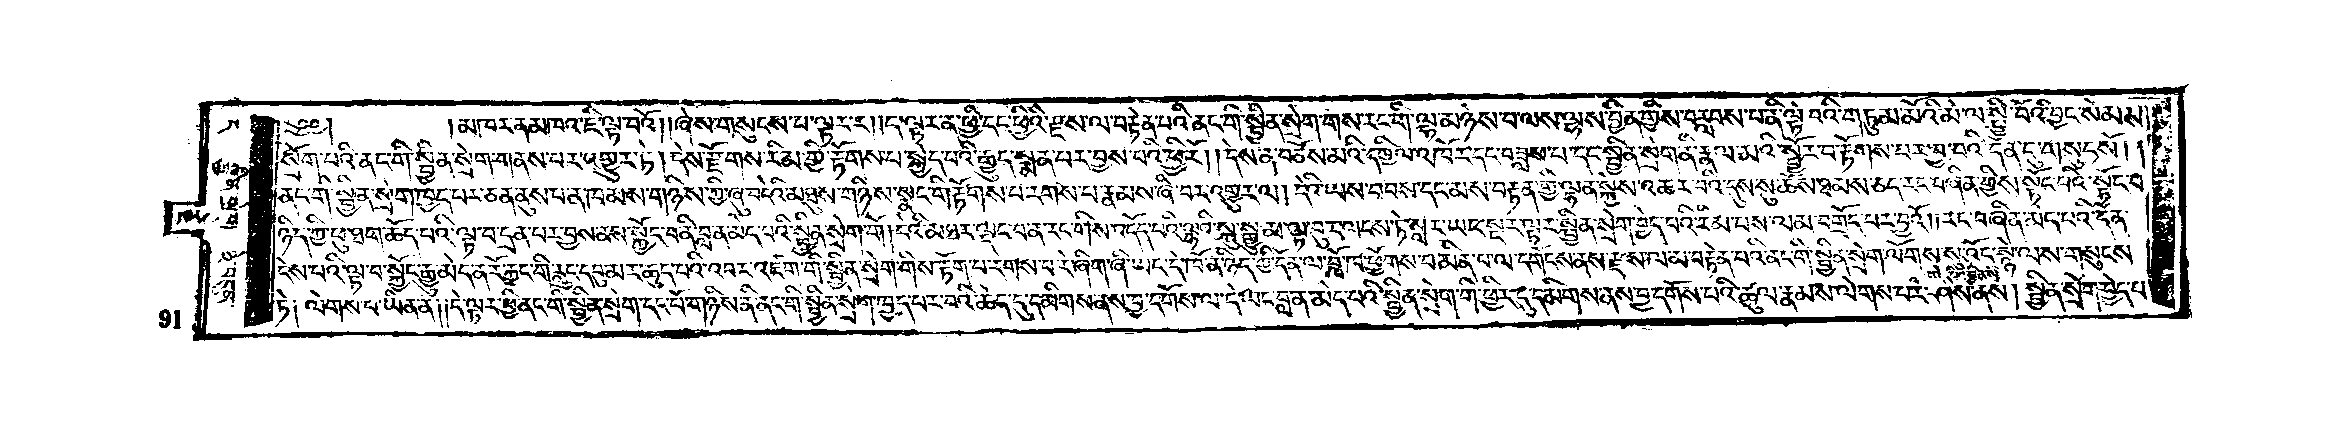༄༅། །མཁར་ནམ་མཁའ་ཇི་ལྟ་བའོ། །ཞེས་གསུངས་པ་ལྟར་རོ། །དེ་ལྟར་ན་ཕྱི་དང་ཕྱིའི་རྫས་ལ་བརྟེན་པའི་ནང་གི་སྦྱིན་སྲེག་གིས་རང་གི་ལྷ་མཉེས་པ་ལས་ལྷས་བྱིན་གྱིས་བརླབས་པ་ནི་ལྟེ་བའི་གཏུམ་མོའི་མེ་ལ་སྤྱི་བོའི་བྱང་སེམས།
སྲོག་པའི་ནང་གི་སྦྱིན་སྲེག་གནས་པར་འགྱུར་ཏེ། དེས་རྫོགས་རིམ་གྱི་རྟོགས་པ་སྐྱེད་པའི་རྒྱུད་སྨན་པར་བྱས་པའི་ཕྱིར་རོ། །དེས་ན་བཅོས་མའི་དཀྱིལ་འཁོར་དང་བཟླས་པ་དང་སྦྱིན་སྲེག་ནི་རྣལ་མའི་སྦྱོར་བ་རྟོགས་པར་བྱ་བའི་དོན་དུ་གསུངས་སོ། །
ནང་གི་སྦྱིན་སྲེག་ཁྱད་པར་ཅན་ནུས་པ་ན་ཁམས་གཉིས་ཀྱི་ཞུ་བདེའི་མཐུས་གཉིས་སྣང་གི་རྟོགས་པ་རགས་པ་རྣམས་ཞི་བར་འགྱུར་ལ། དེའི་ཡས་བབས་དང་མས་བརྟེན་གྱི་ལྷན་སྐྱེས་འཆར་བའི་དུས་སུ་ཆོས་ཐམས་ཅད་རང་བཞིན་གྱིས་སྟོང་པའི་སྟོང་པ་
ཉིད་ཀྱི་ཕུ་ཐག་ཆོད་པའི་ལྟ་བ་དྲན་པར་བྱས་ནས་སྐྱོང་བ་ནི་བླ་ན་མེད་པའི་སྦྱིན་སྲེག་གོ །དེའི་མཐར་ལྡང་བ་ན་རང་གིས་འདོད་པའི་ལྷའི་སྐུ་སྒྱུ་མ་ལྟ་བུར་ལངས་ཏེ་སླར་ཡང་སྔར་ལྟར་སྦྱིན་སྲེག་བྱེད་པའི་རིམ་པས་ལམ་བགྲོད་པར་བྱའོ། །རང་བཞིན་མེད་པའི་དོན་
ངེས་པའི་ལྟ་བ་སྐྱོང་རྒྱུ་མེད་ན་རོ་རྐྱང་གི་རླུང་དབུ་མར་ཆུད་པའི་འབར་འཛག་གི་སྦྱིན་སྲེག་གིས་རྟོག་པ་རགས་པ་རེ་ཞིག་ཞི་ཡང་དེ་ཁོ་ན་ཉིད་ཀྱི་དོན་ལ་བློ་ཁ་ཕྱོགས་པ་མིན་པ་ལ་དགོངས་ནས་རྫས་ལ་མ་བརྟེན་པའི་ནང་གི་སྦྱིན་སྲེག་ལོགས་སུ་དགོས་པའི་སྦྱིན་སྲེག་?་འོང་སྙེ་ལས་གསུངས་
ཏེ། ལེགས་པ་ཡིན་ན། །དེ་ལྟར་ཕྱི་ནང་གི་སྦྱིན་སྲེག་དང་པོ་གཉིས་ནི་ནང་གི་སྦྱིན་སྲེག་ཁྱད་པར་བའི་ཆེད་དུ་དམིགས་ནས་བྱ་དགོས་ལ་དེ་ཡང་བླ་ན་མེད་པའི་སྦྱིན་སྲེག་གི་ཕྱིར་དུ་དམིགས་ནས་བྱ་དགོས་པའི་ཚུལ་རྣམས་ལེགས་པར་ཤེས་ནས། སྦྱིན་སྲེག་བྱེད་པ་